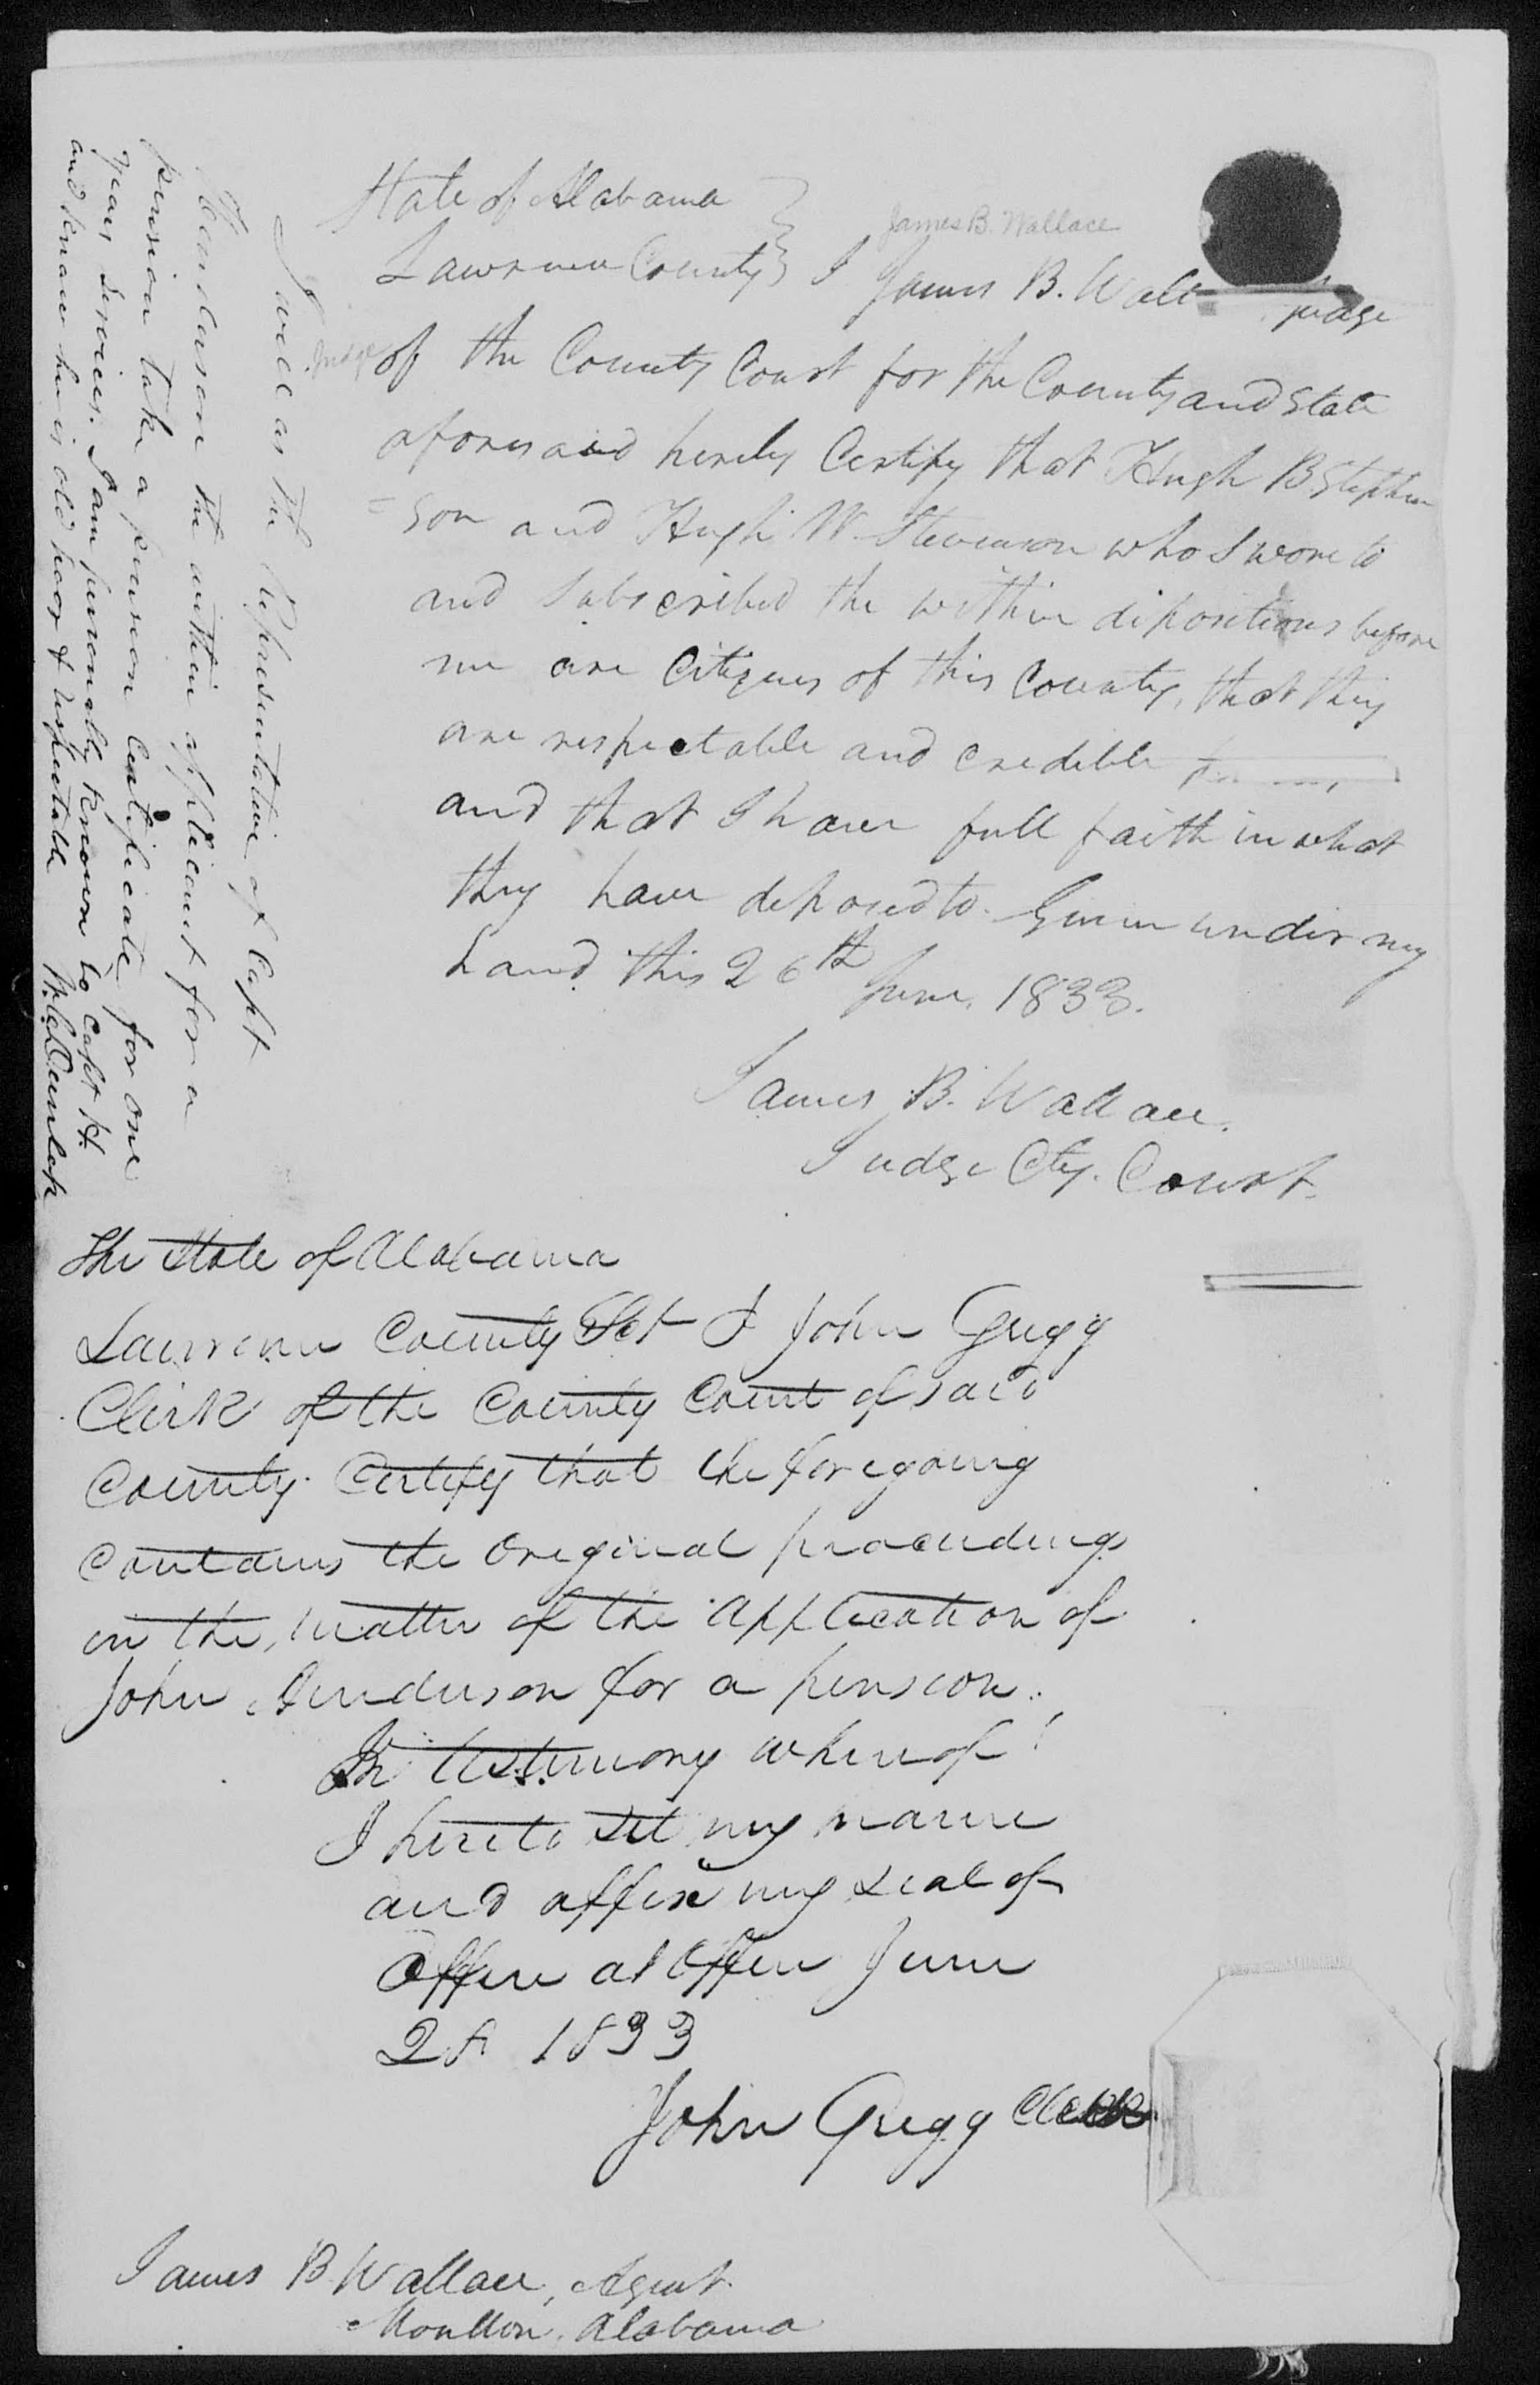State of Alabama
Lawrence County
I James B Wallace judge of the County Court for the County and State aforesaid hereby certify that Hugh B. Stephenson and Hugh W. Stevenson who Swore to and Subscribed the within dipositions before me are citizens of this county, that they are respectable and credible persons and that I have full faith in what they have deposed to given under my hand this 26th June 1833.
James B. Wallace
Judge Cty. Court

The State of Alabama
Lawrence County Lot & John Gregg Clerk of the County Court of said County certify that the foregoing contains the original proceeding, on the matter of this application of John Anderson for a pension.
In testimony whereof
I hereto set my name
and affix my seal of office
at office June 21 1833
John Gregg Clerk [octagonal seal next to name]

James B. Wallace, Agent
Moulton, Alabama

[left vertical text]
I will as the Representative of Capt Henderson the within applicant for a pension take a pension certificate for a years Services. I am personally known to Capt H. and I know he is old poor and respectable  W.C. Dunlap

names: James B Wallace, James B Wallace, John Henderson, Hugh W Stevenson, Henderson, W C Dunlap, James B Wallace, James B Wall, John Grigg, Hugh B Stephenson, John Grigg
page: 39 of 40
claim: rejected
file: R. 4,869, John Henderson, S.C.